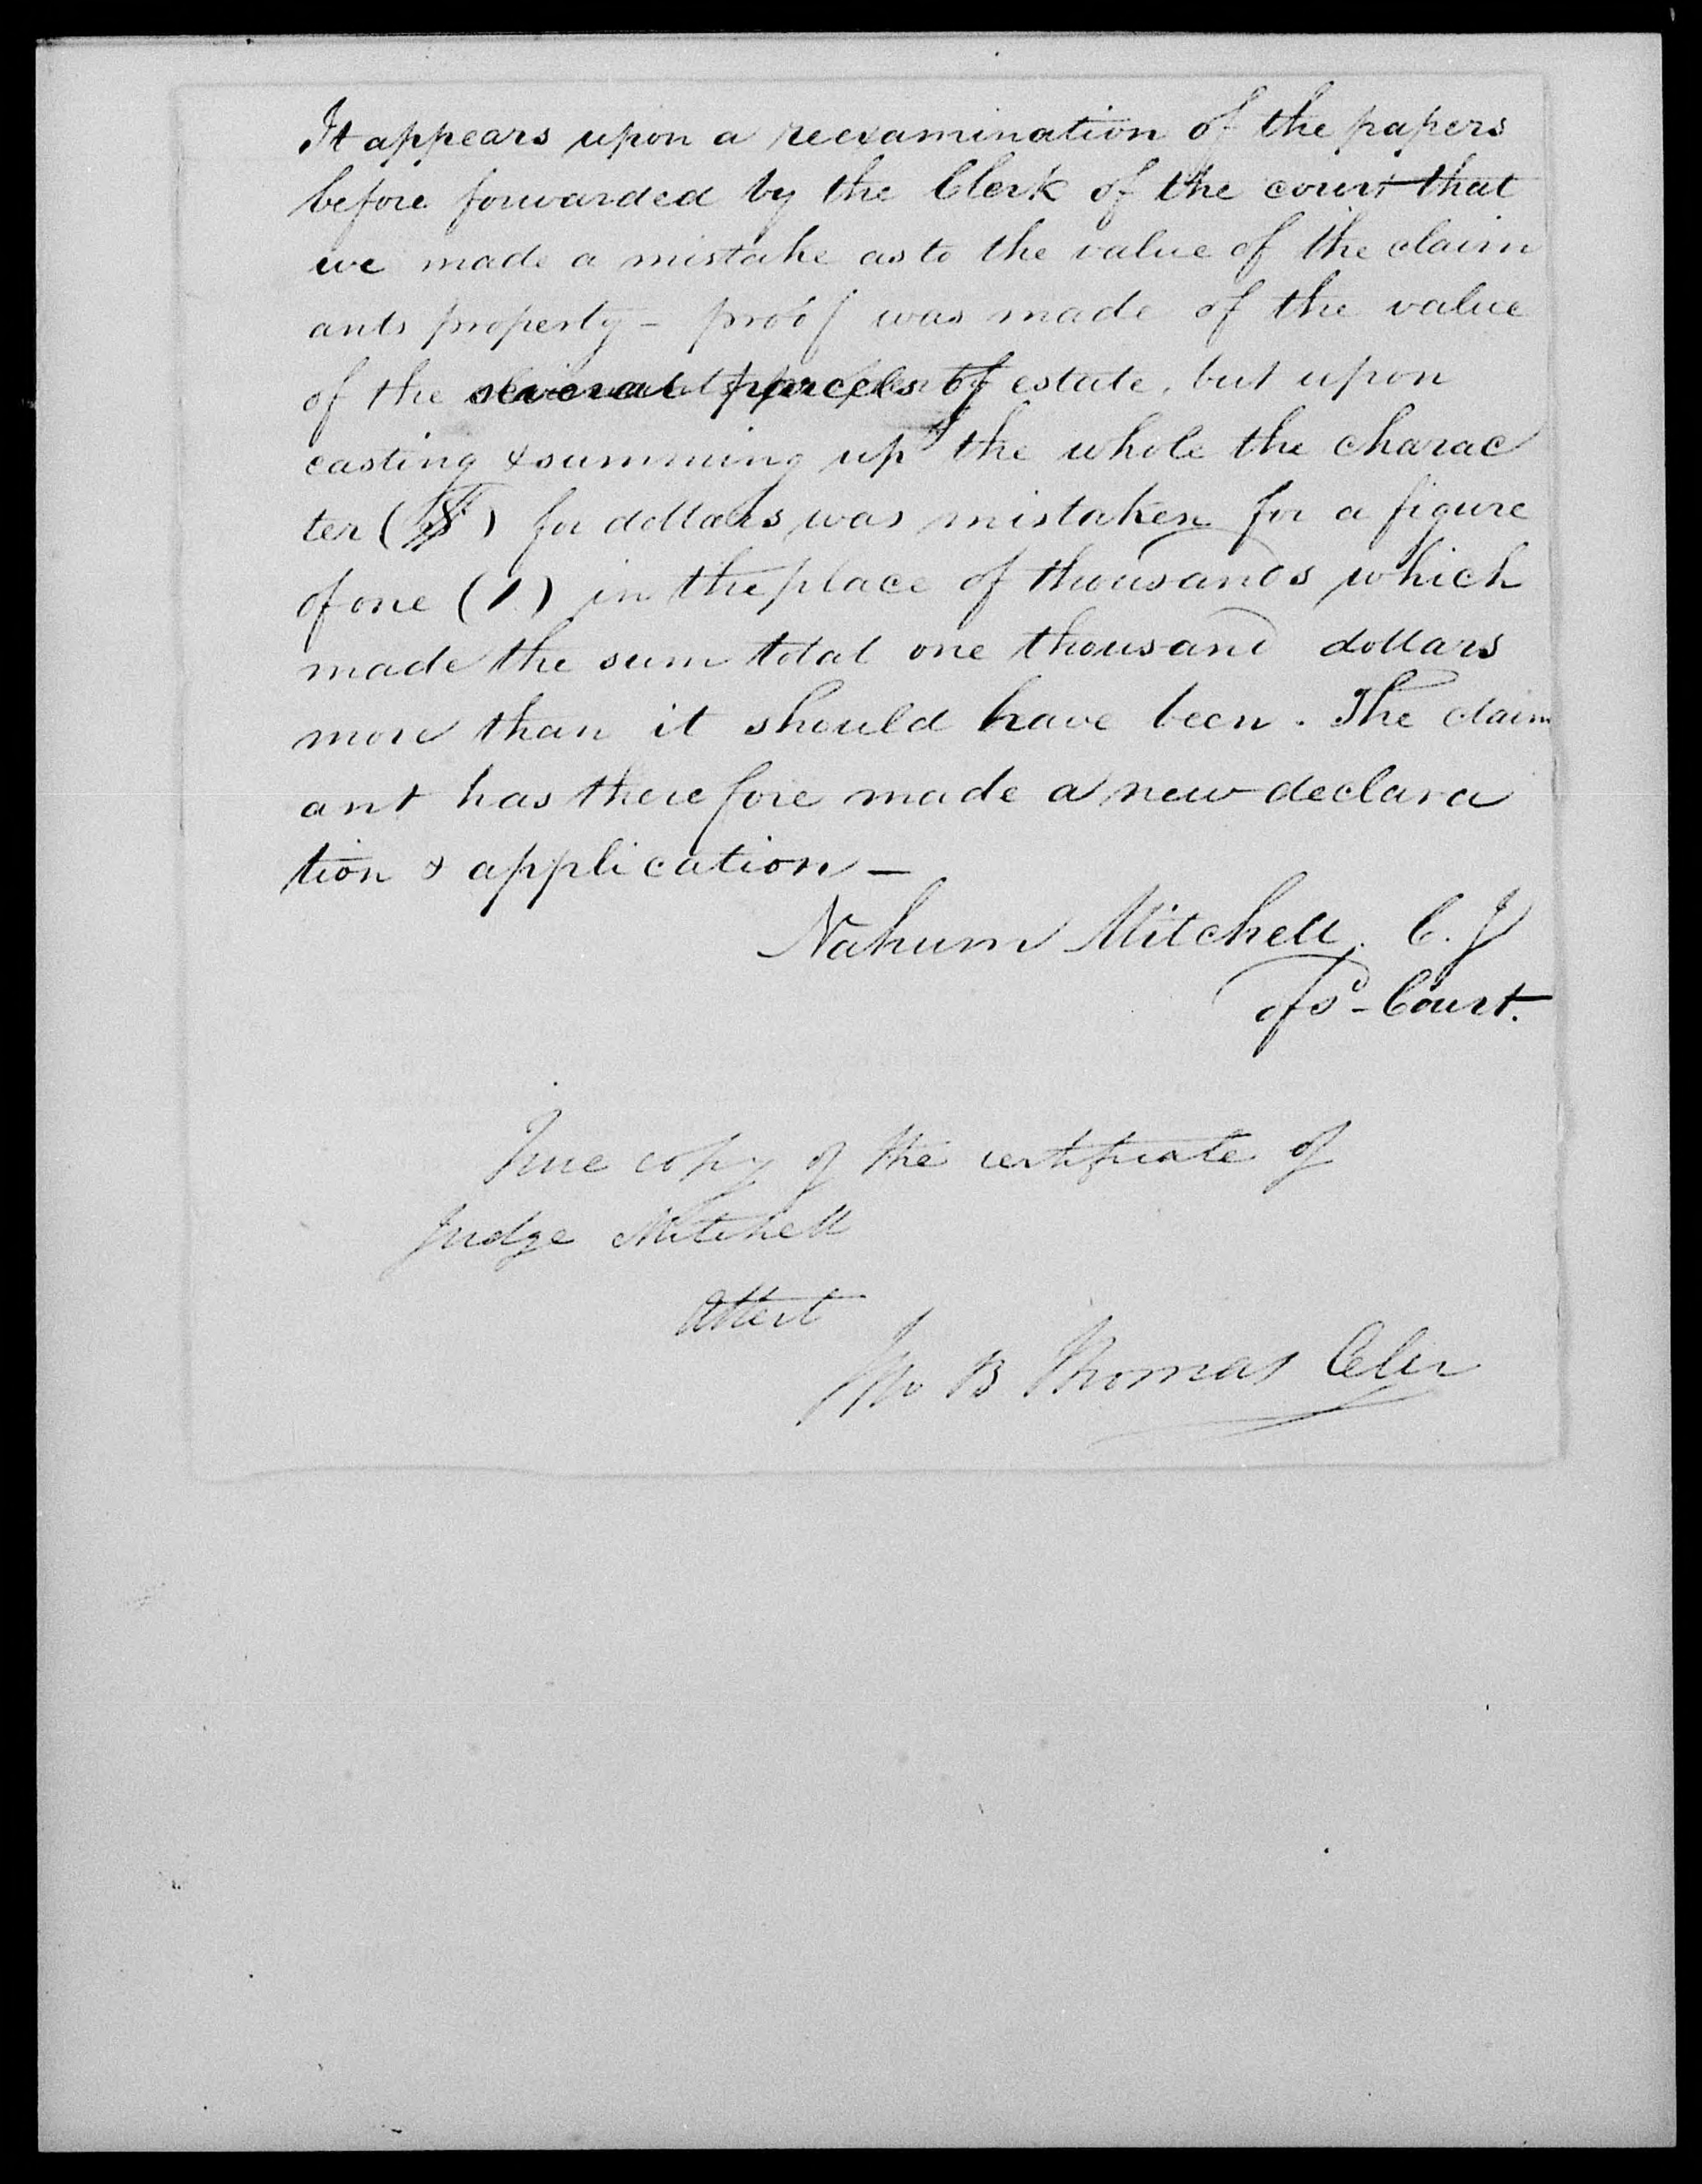It appears upon a reexamination of the papers
before forwarded by the Clerk of the court that
we made a mistake as to the value of the claim
and property - proof was made of the value
of the several parcels of estate, but upon
casting & summing up the whole the 
character ( $ ) for dollars was mistaken for a figure of one ( 1 ) in the place of thousands which made the sum total one thousand dollars more than it should have been. The claimant has therefore made a new declara-
tion & application-
Nahum Mitchell C. J.
of sd - Court

True copy of the certificate of Judge Mitchell
Attest
Jno B Thomas Clerk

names: Nahum Mitchell; Jno B Thomas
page: 81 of 82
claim: widow's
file: W. 13,634, for Rufus Lincoln, Massachusetts